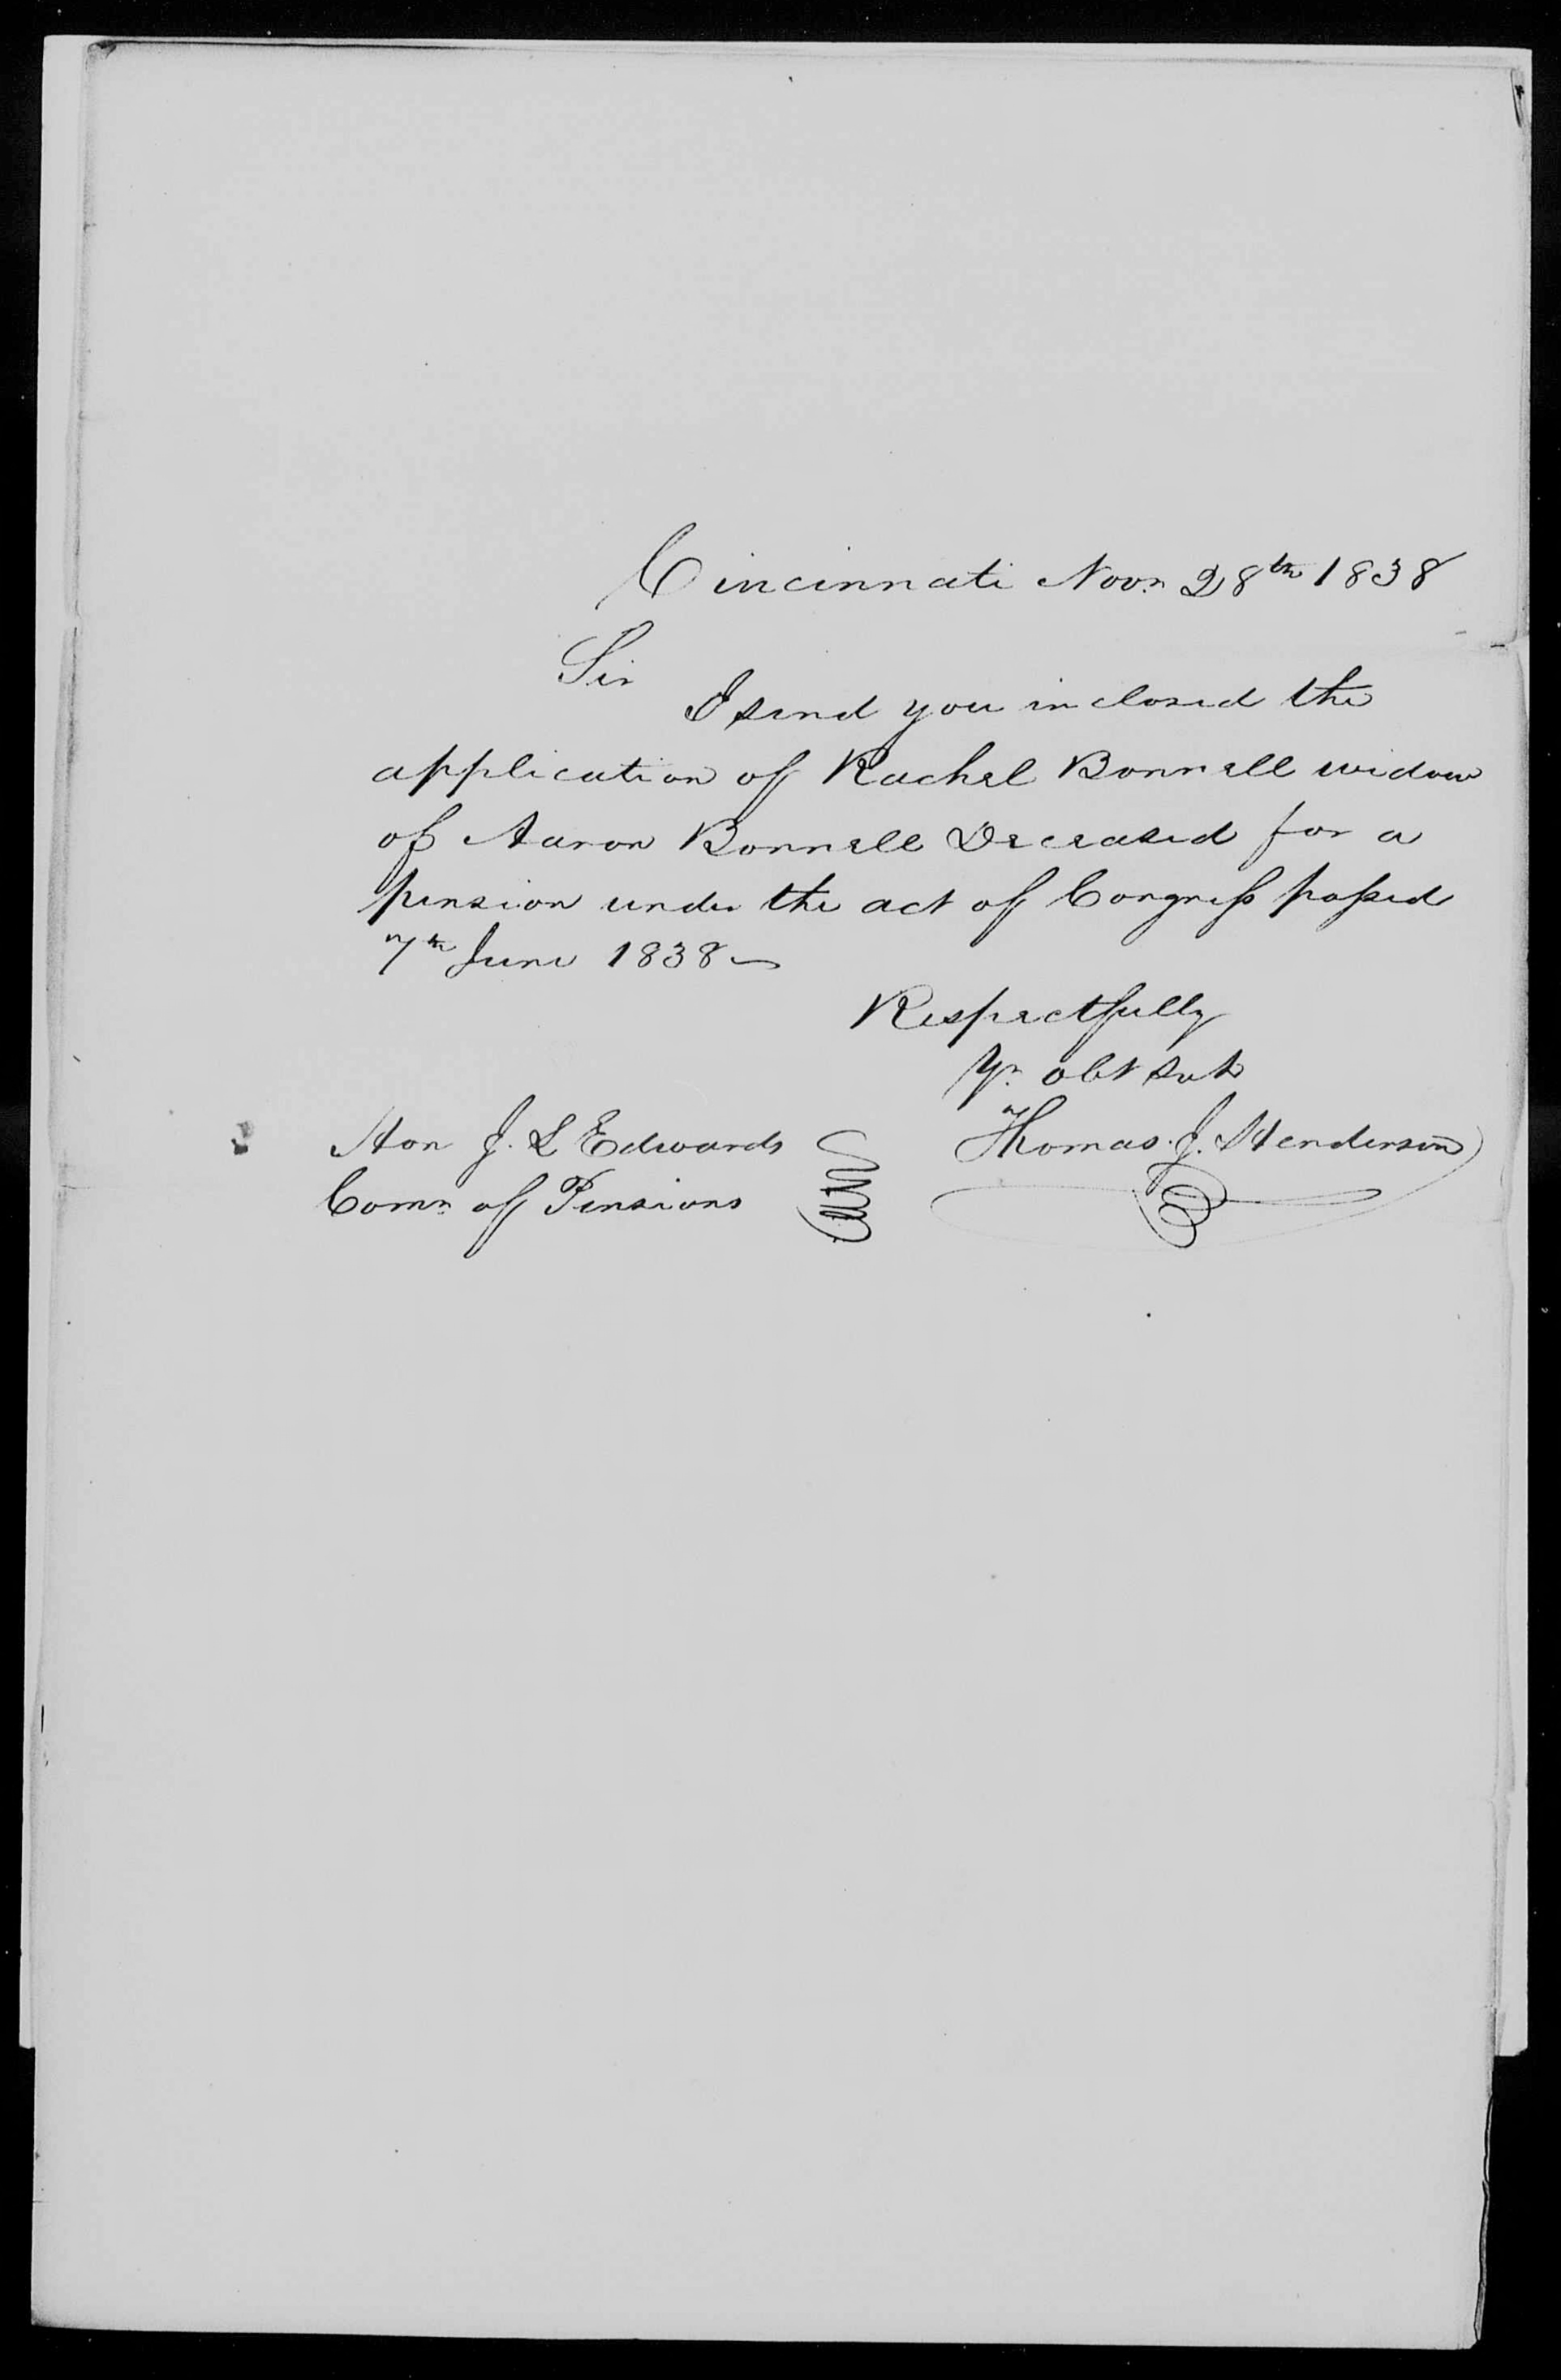Cincinnati Nov 28th 1838
Sir
I send you enclosed the application of Rachel Bonnell widow of Aaron Bonnell deceased for a pension under the act of Congress passed 7th June 1838.
Respectfully
Yr Obt Svt
Thomas J. Henderson

Hon J L Edwards
Comm of Pensions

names: Rachel Bonnell, J L Edwards, Thomas J Henderson, Aaron Bonnell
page: 48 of 67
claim: rejected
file: R. 1009, Aaron Bonnel, New Jersey